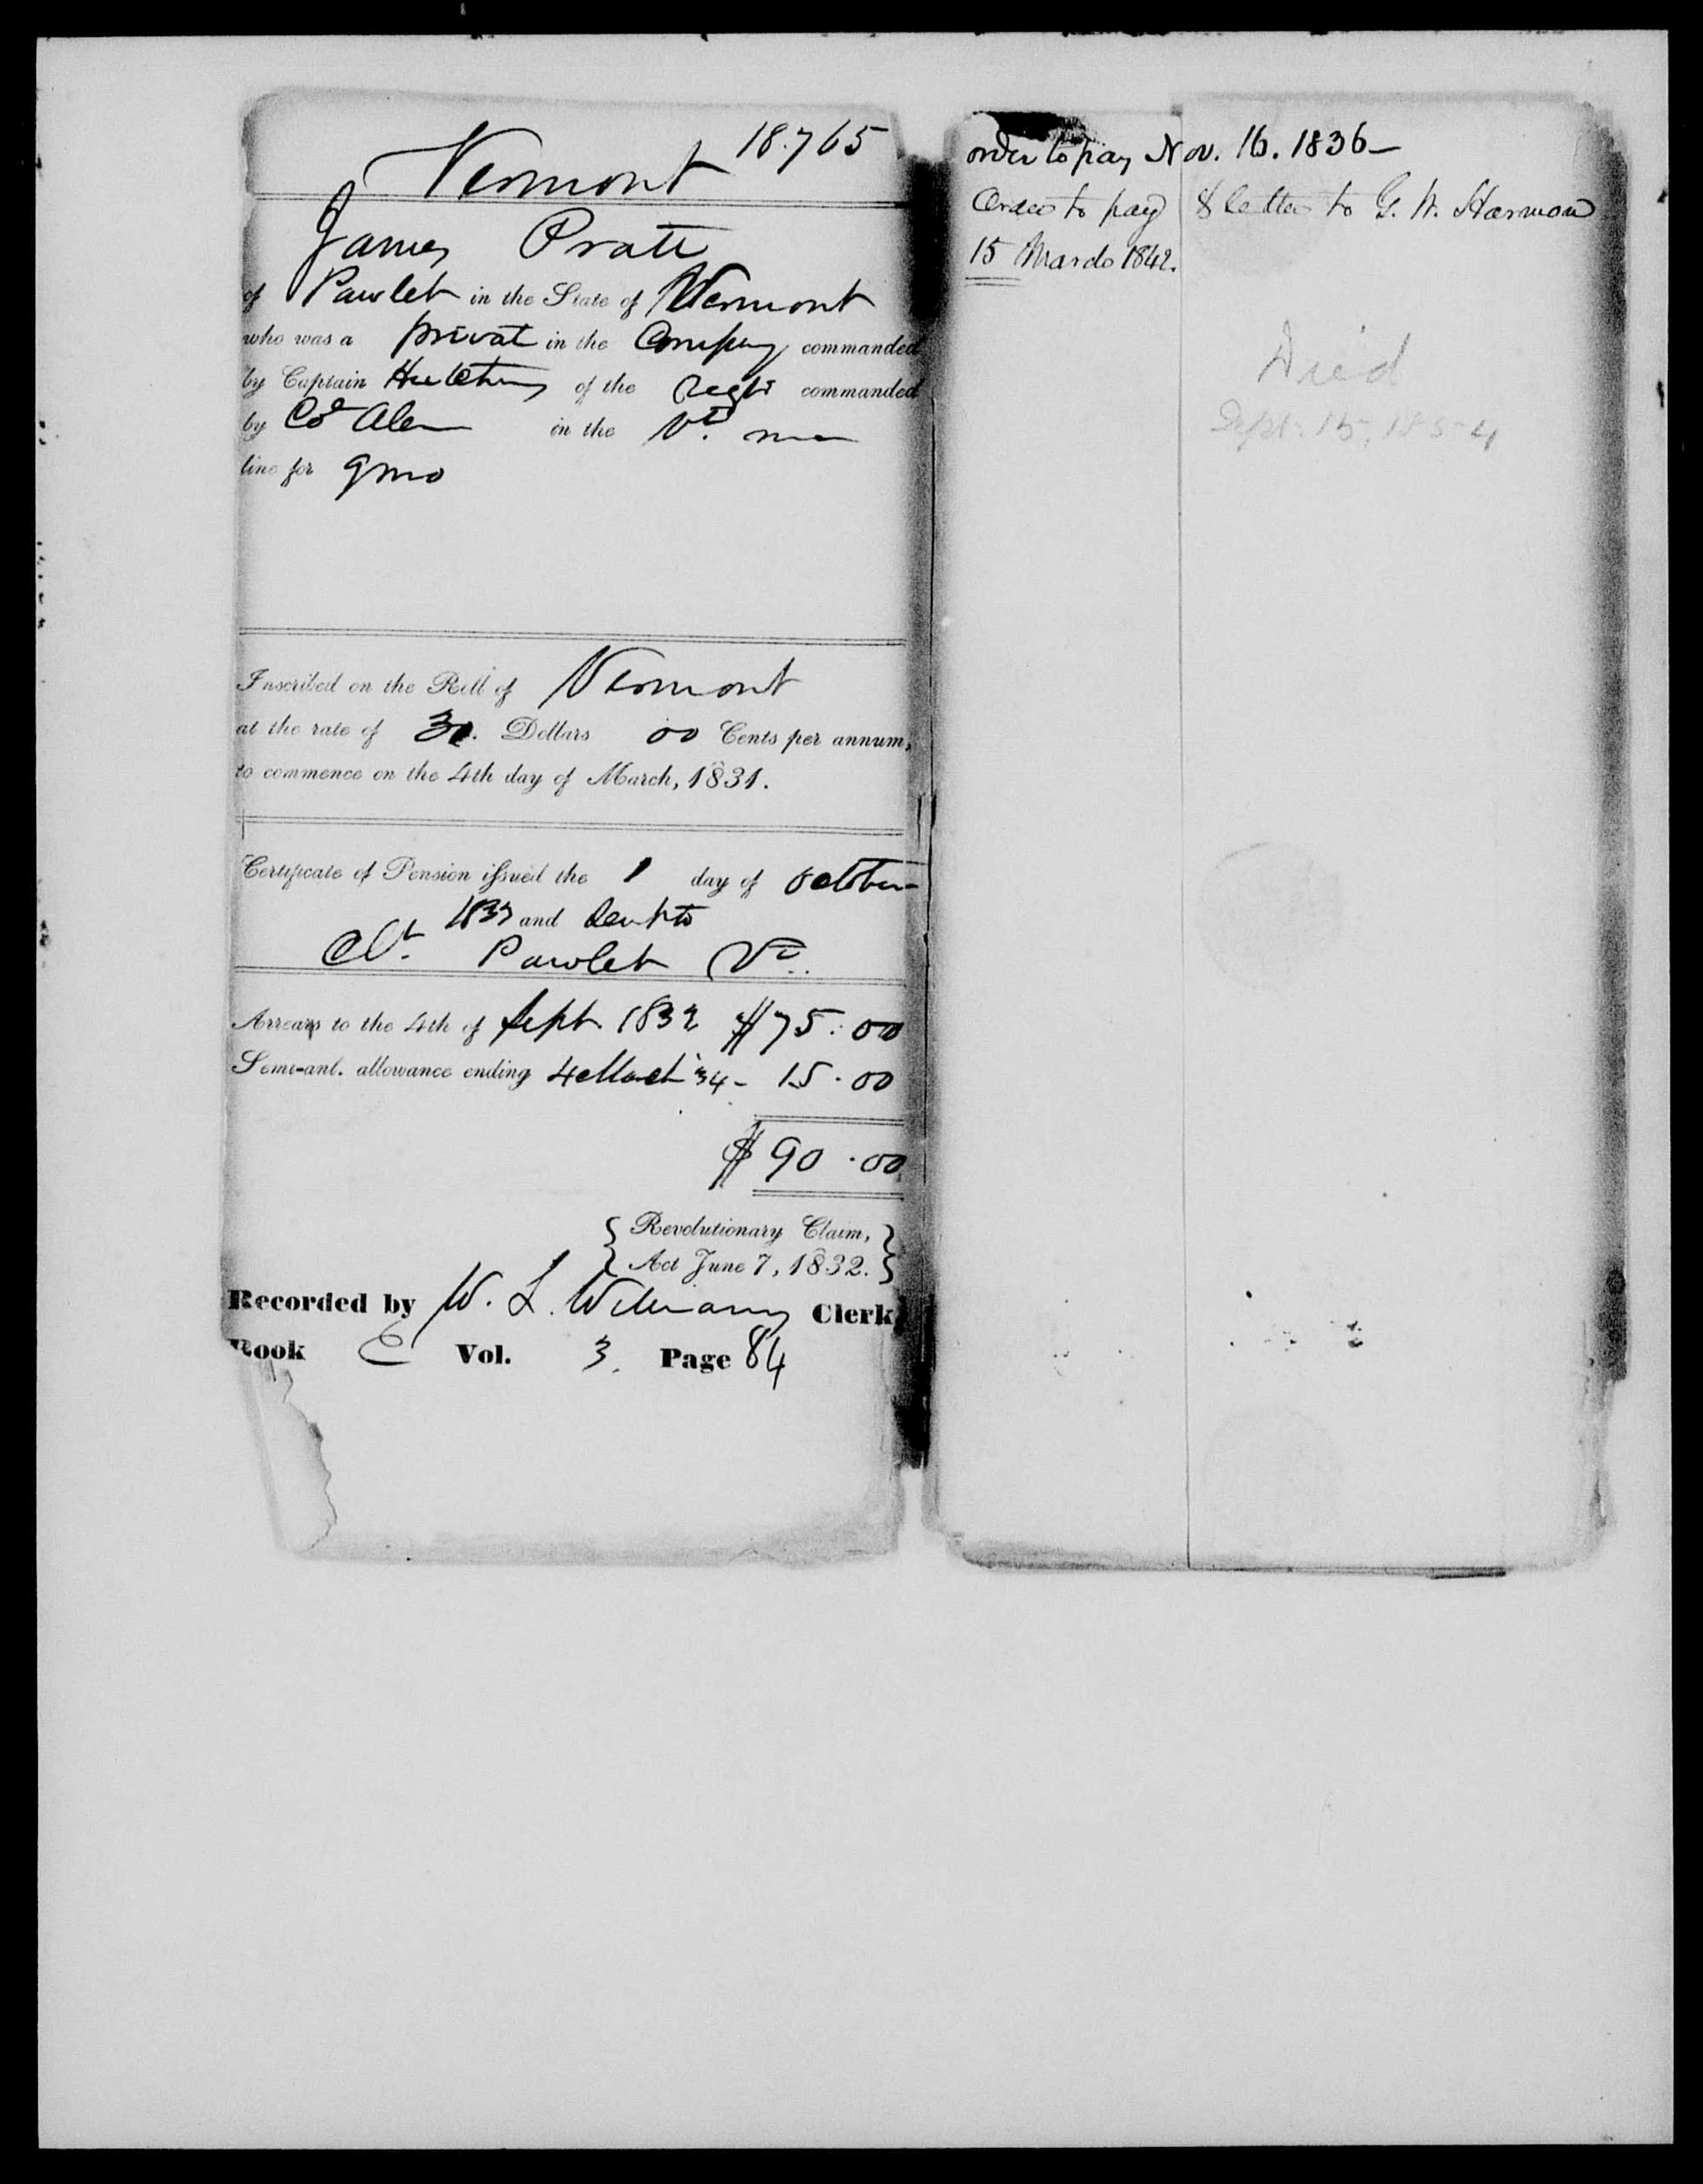Vermont 18765
James Pratt
Pawlet in the State of Vermont
who was a private in the company commanded
by Captain Hutcher of the regt commanded
by Col Allen
in the Vt. [illegible]
line for gmo

Inscribed on the Roll of Vermont
at the rate of 30 Dollars 00 Cents per annum, 
to commence on the 4th day of March, 1831.

Certificate of Pension issued the 1 day of October 1833 and sent to Clt. Pawlet Vt.

Arrears to the 4th of Sept 1832 $75.00
Semi-anl. allowance ending 4 March 3 15.00
$90.00 [total]

(Revolutionary Claim,
Act June 7, 1832.)
Recorded by W. L. Williams Clerk
Book E Vol. 3 Page 84

order to pay Nov. 16, 1836.
Order to pay & letter to G.H. Harmon
15 Mar 1842

Died
Spt. 15, 1854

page: 2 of 29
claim: survivor's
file: S. 14,222, for James Pratt, Vermont